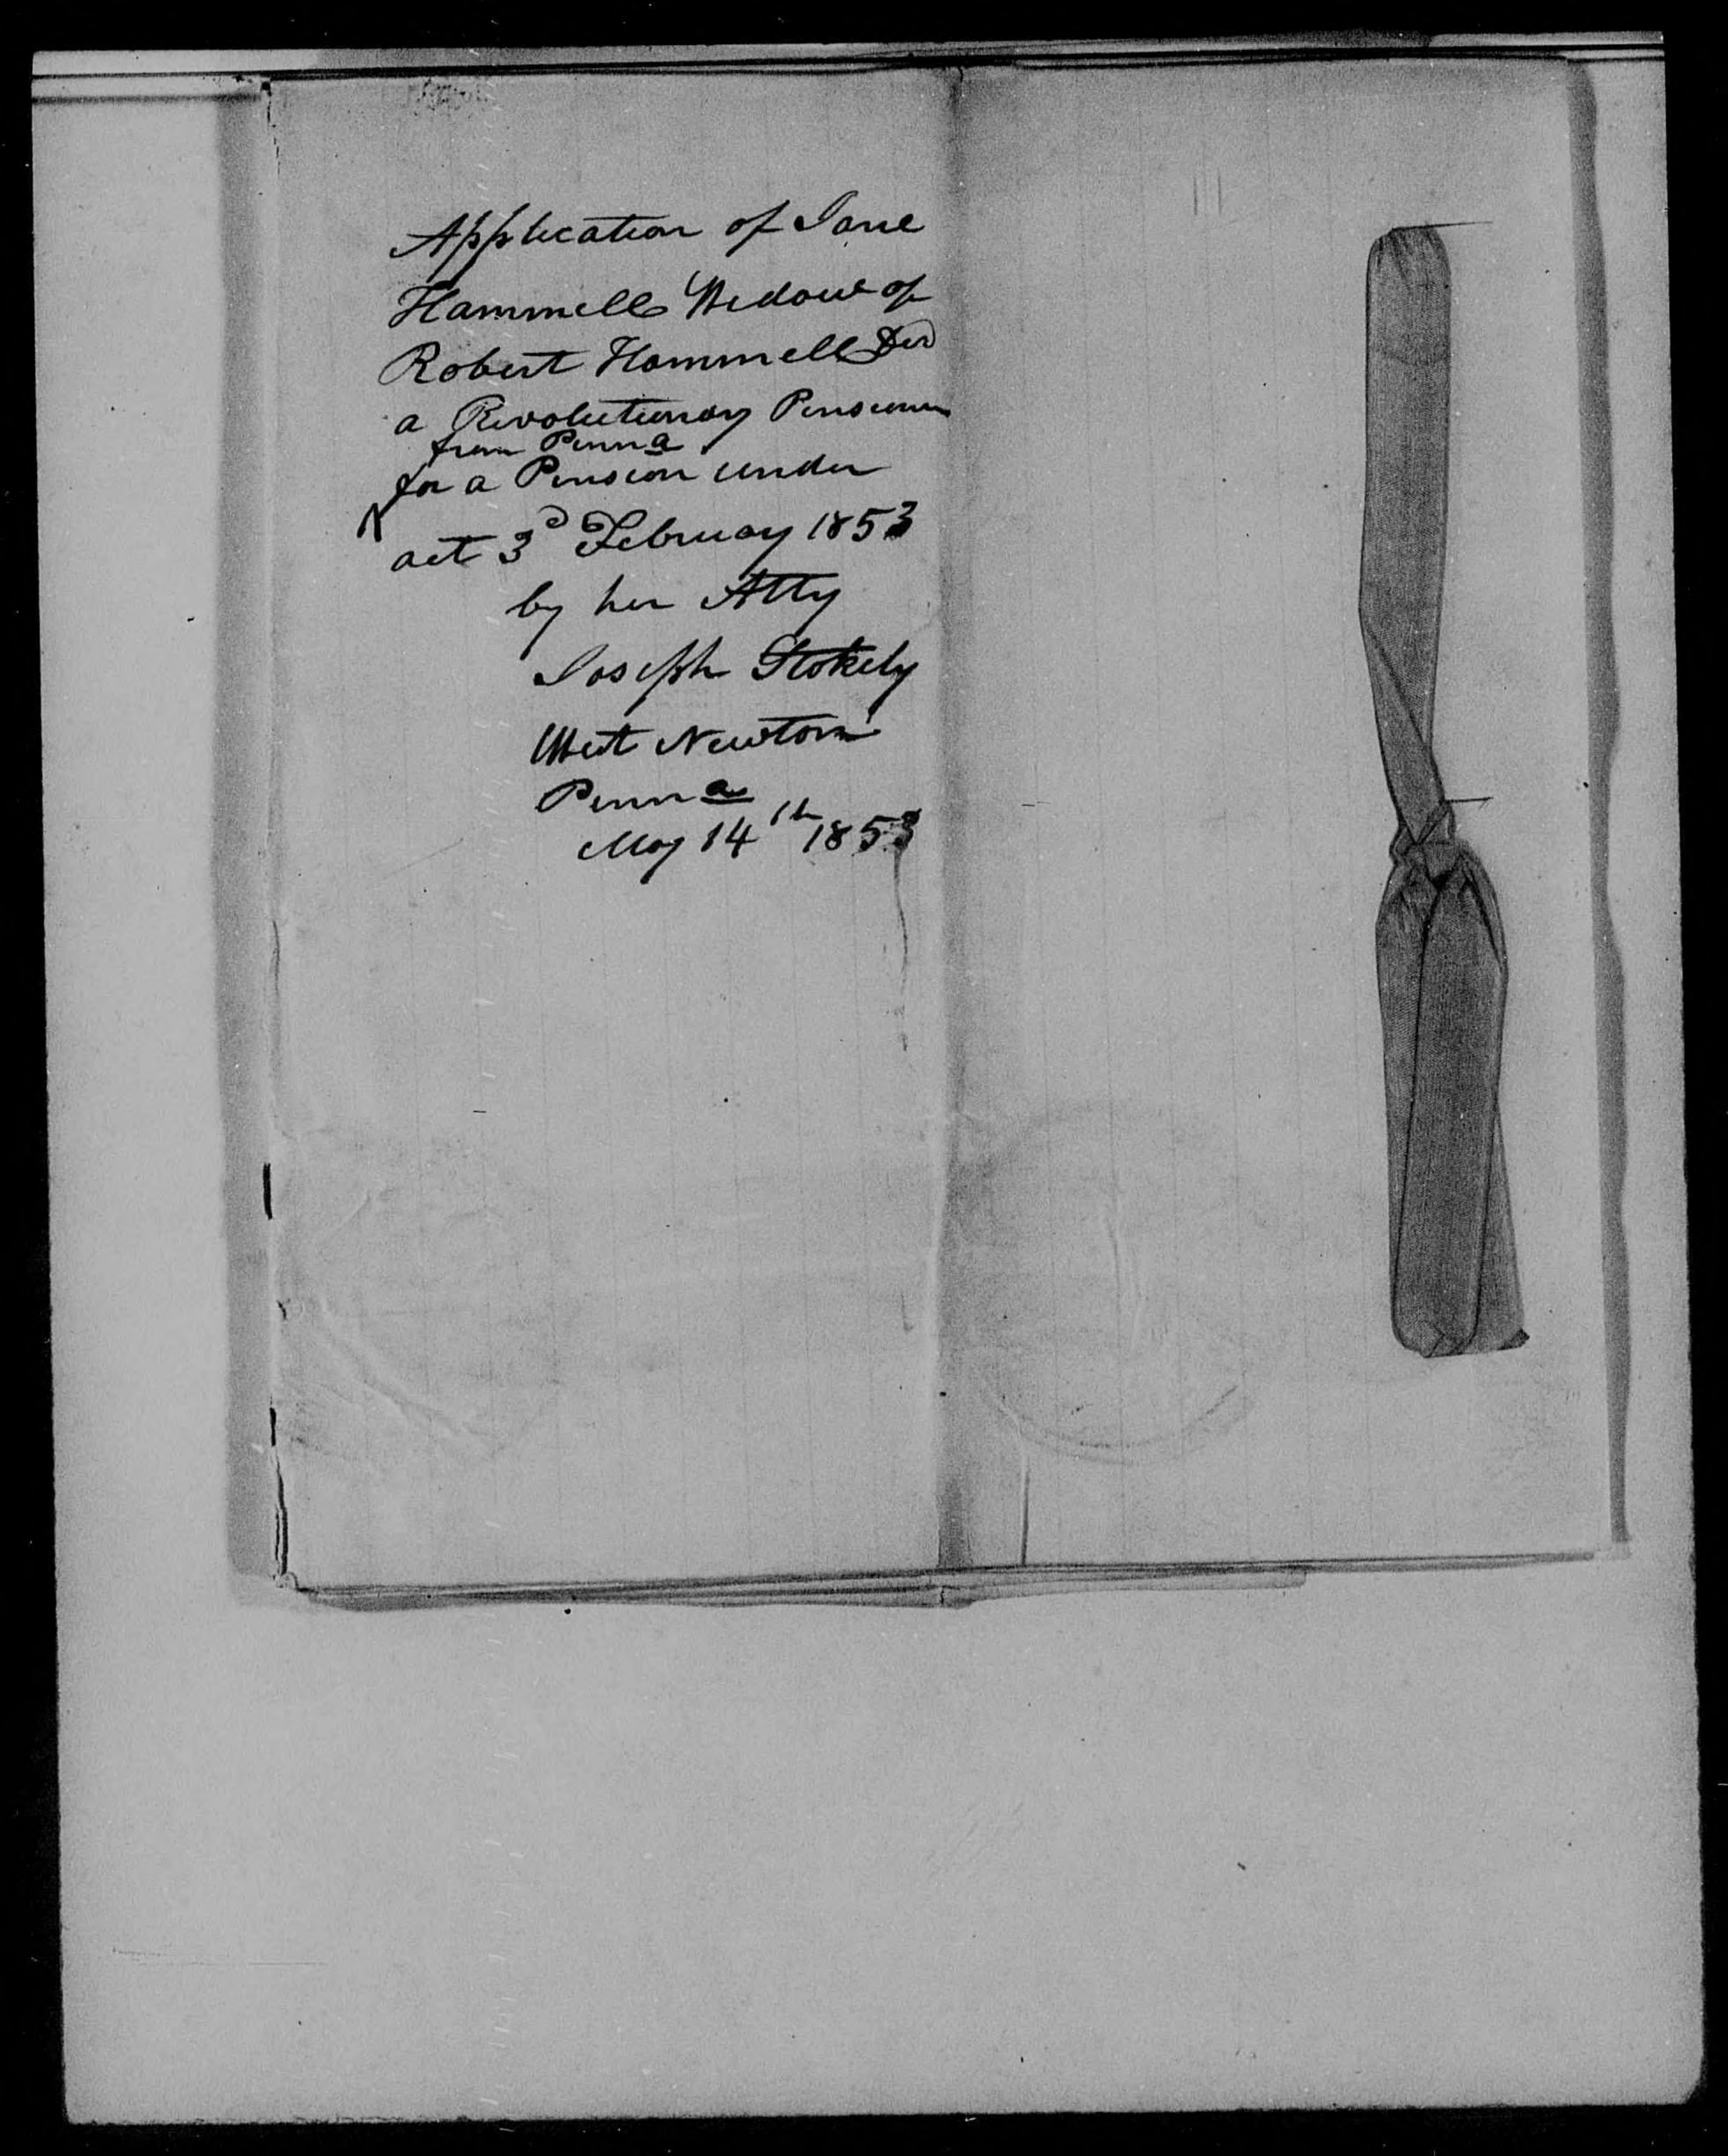Application of Jane Hammell widow of Robert Hammell due a Revolutionary Pension from Penna. for a pension under act 3 February 1853 by her atty
Joseph Stokeley
West Newton
Penna
May 14th 1853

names: Jane Hammell, Joseph Stokely, Robert Hammell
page: 15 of 92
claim: widow's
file: W 1173, Robert Hamill, Penn.